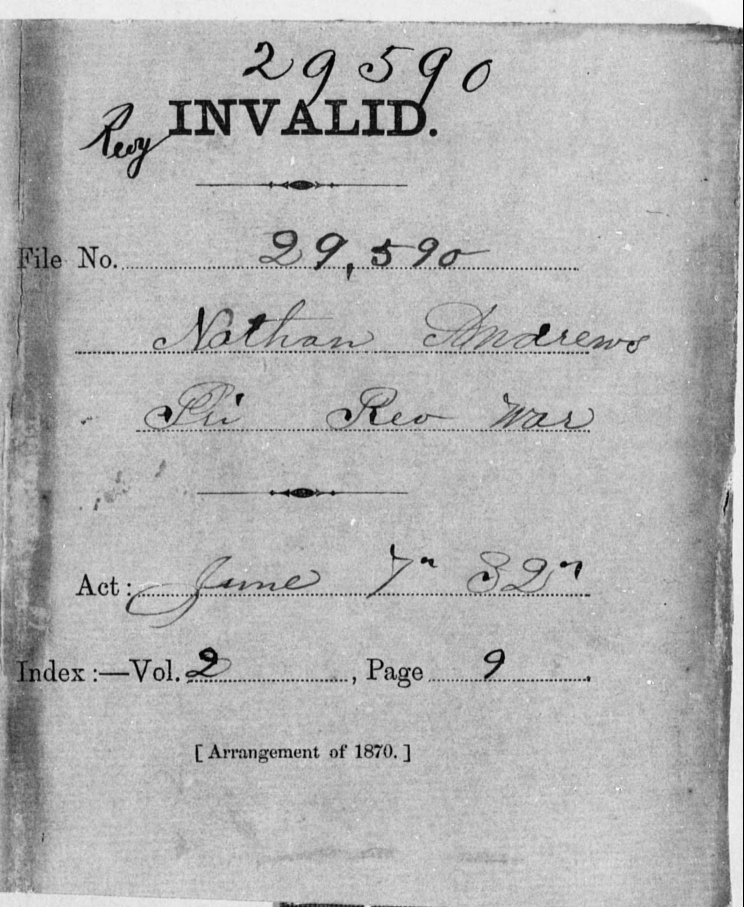29590
Revy INVALID
File No 29590
Nathan Andrews
Pri Rev War
Act June 7th 32
Index: -- Vol. 2 Page 9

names: Nathan Andrews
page: 10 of 18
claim: survivor's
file: S. 29,590, Nathan Andrews, Mass R.I.